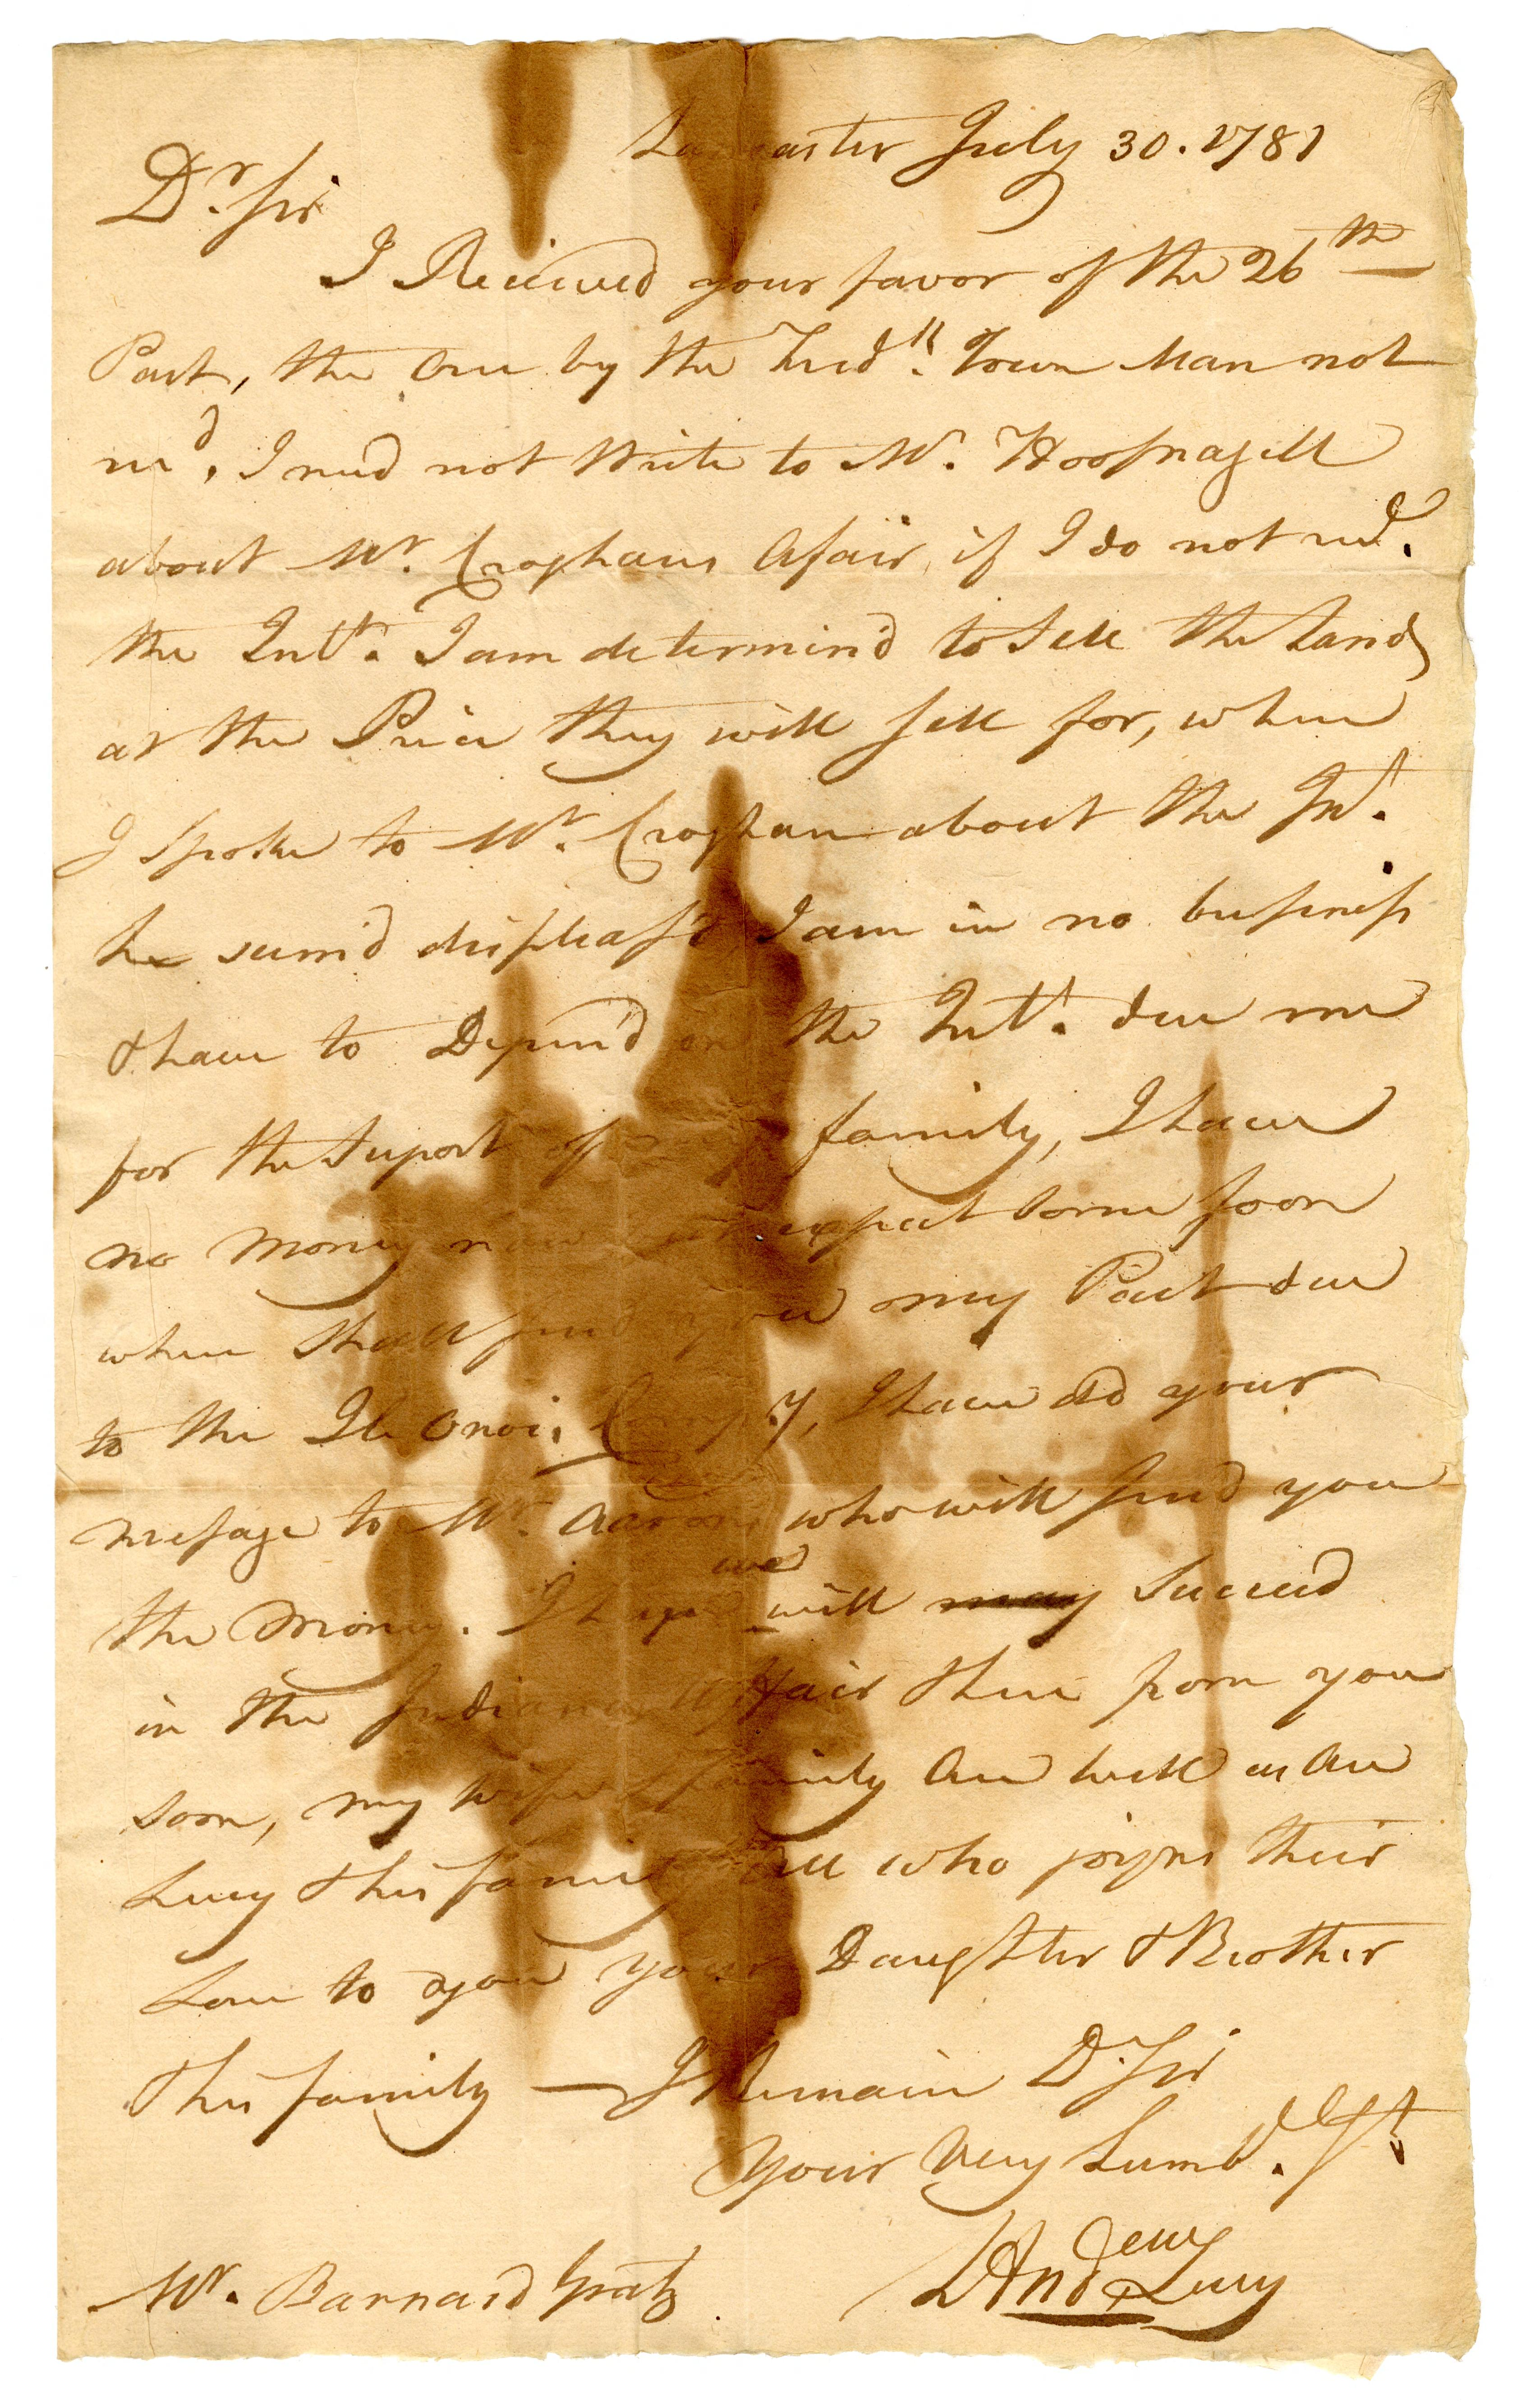Lancaster July 30. 1781
D^r. Sir
I Recived your favor of the 26^th
Part, the one by the herd^le town man not
in^d, I need not Write to M^r. Hoofnagill
about M^r. Croghans Afair if I do not rec^e
the Int^t. I am determin'd to sell the land
as the Price they will sell for, when
I spoke to M^r. Croghan about the In^t.
he seem'd displeasd, I am in no business
& have to Depen'd- the Int^t. due me
for the suport of family, I have
no Money now I expect some soon
when shall send you my Part due
to the Illinois Comp^y, I have ad your
message to M^r. Aaron who will find you
one
the money. I [hope] will [may] succeed
in the Indiana affair I hear from you
soon, my wife & family are well as Are
Lucy & his family who joyn their
love to you your Daughter & Brother
& his family-
I remain D^r Sir
Your very humb^e S^t
Andrew Levy
M^r. Barnard Gratz